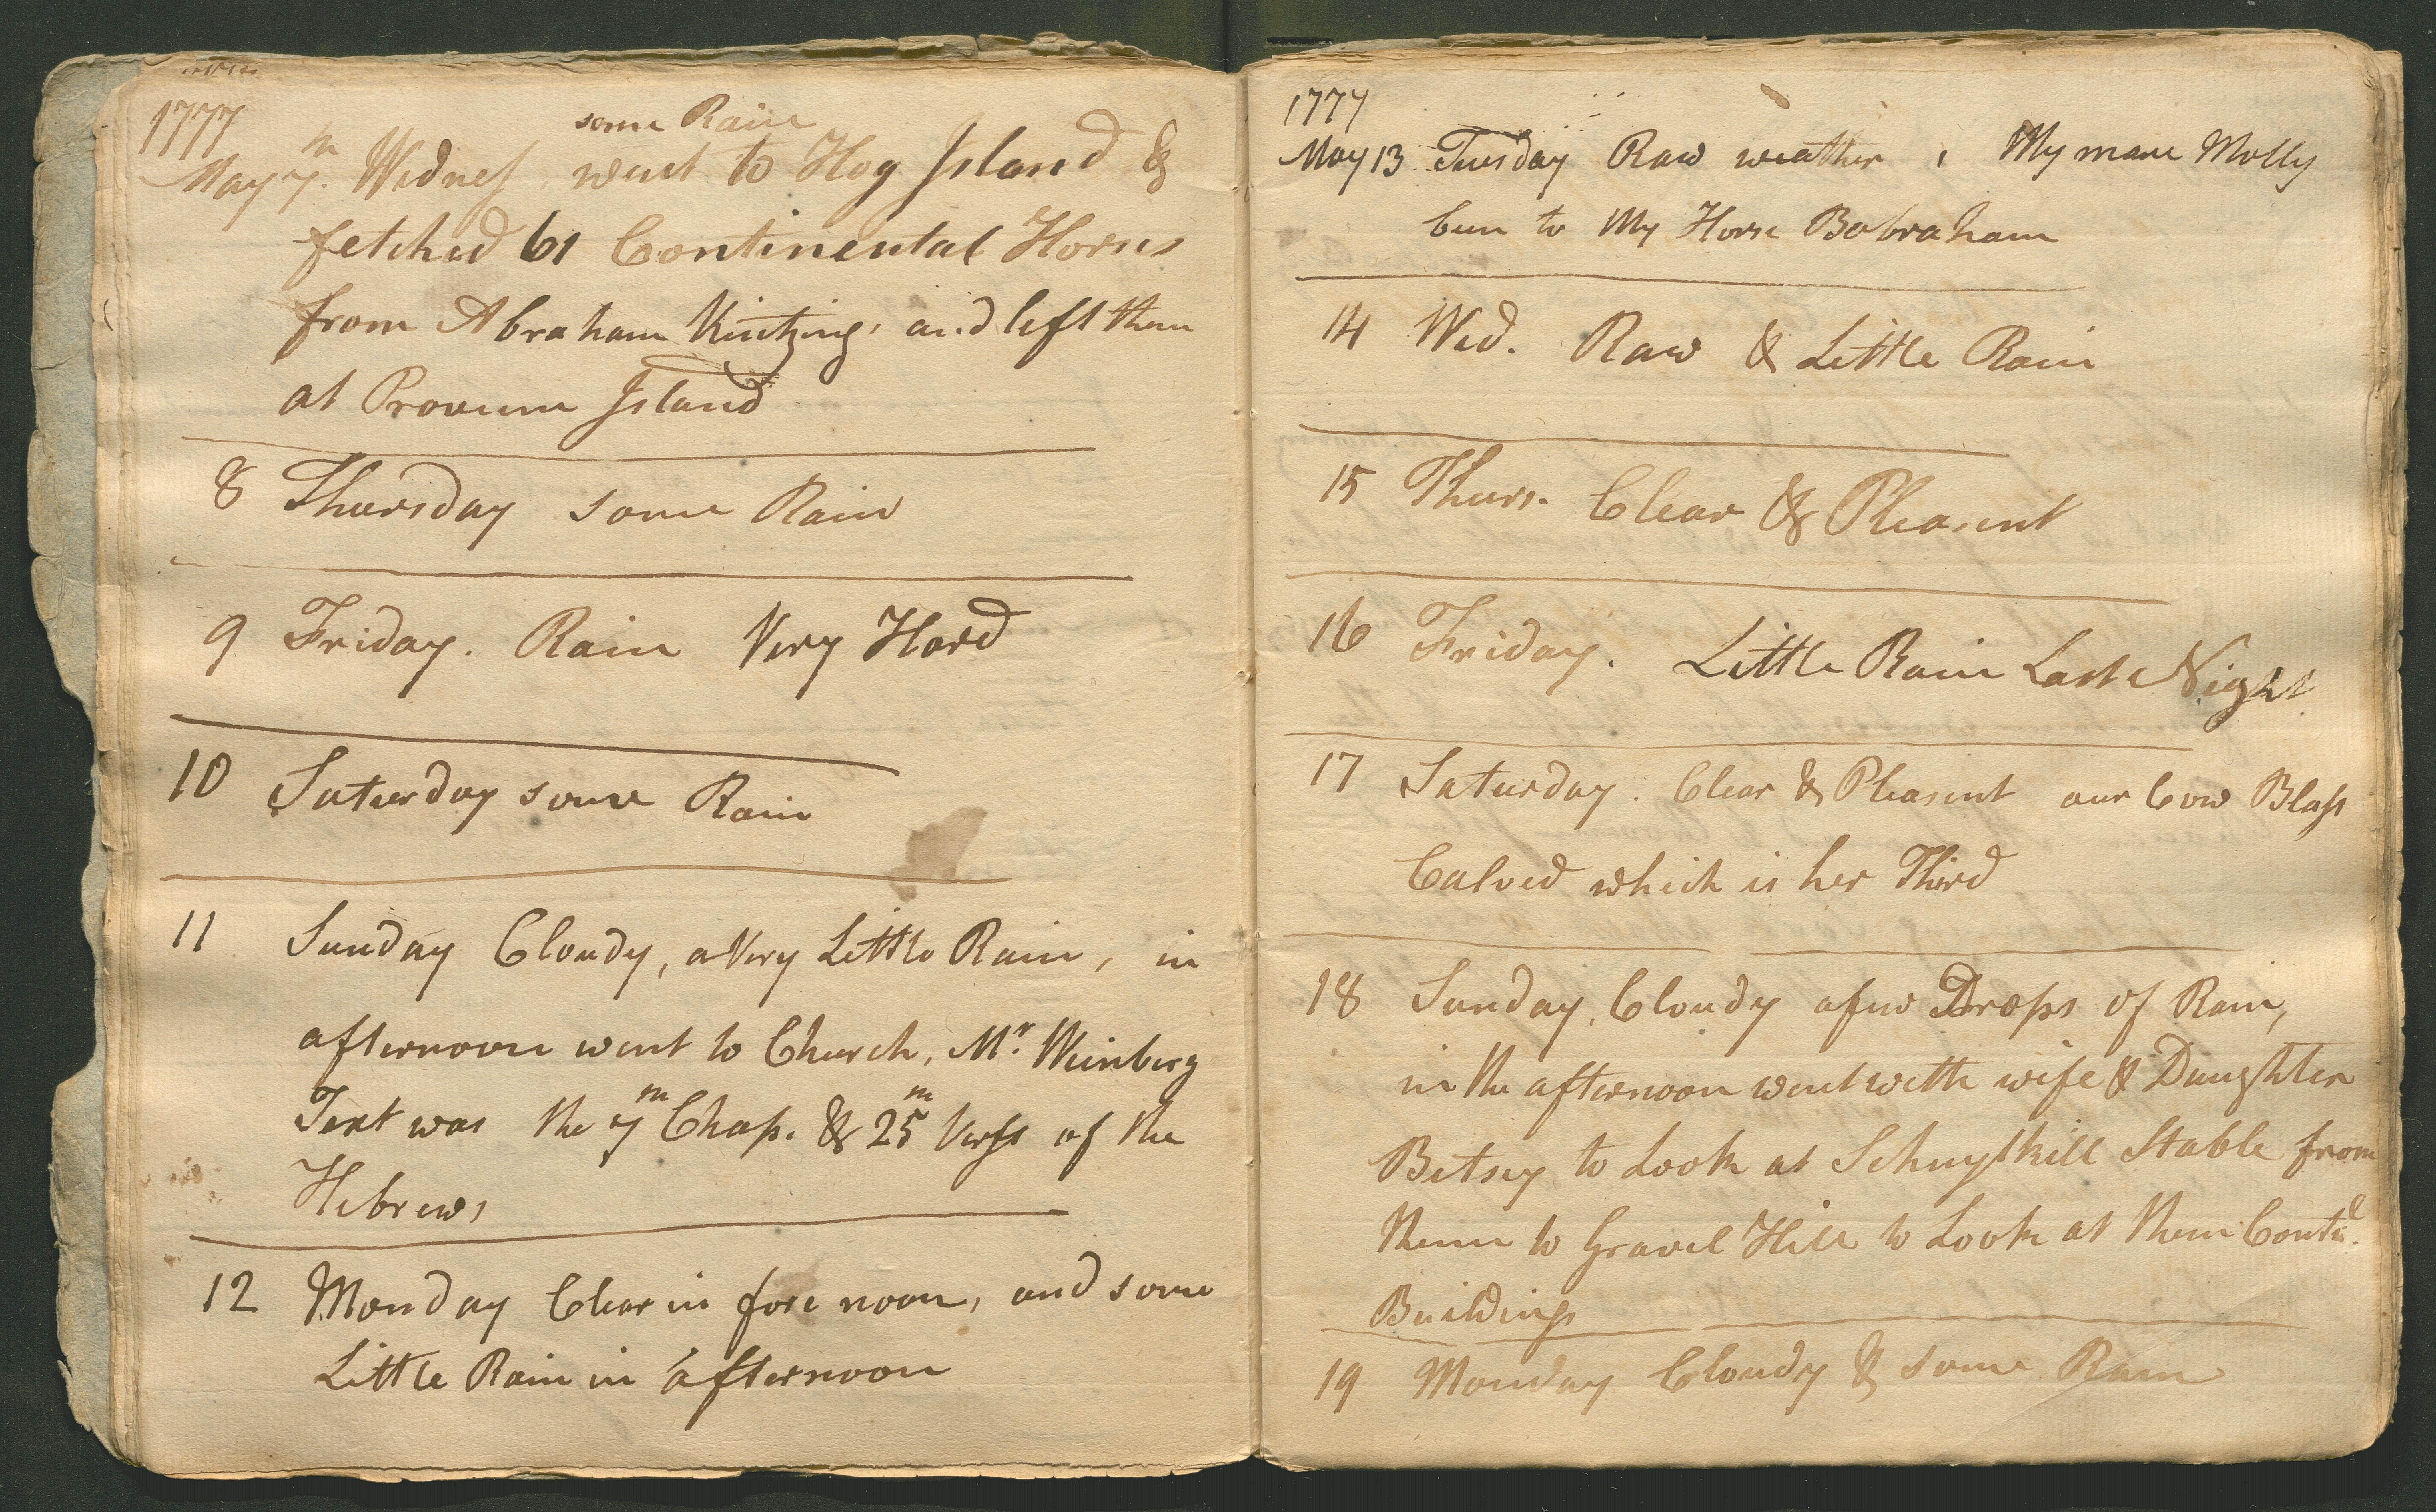1777
some Rain
May 7^th. Wednes, went to Hog Island &
fetched 61 Continental Horses
from Abraham Kintzing, and left them
at Provence Island
8 Thursday some Rain
9 Friday. Rain Very Hard
10 Saturday some Rain
11 Sunday Cloudy, a Very Littte Rain, in
afternoon went to Church, M^r. Weinberg
Text was the 7^th Chap. & 25^th Verss of the
Hebrews
12 Monday Clear in fore noon, and some
Little Rain in afternoon
1777
May 13. Tuesday Raw weather. My mare Molly
been to My Horse Babraham
14 Wed. Raw, & Little Rain
15 Thurs. Clear & Pleasent
16 Friday. Little Rain Last Night
17 Saturday. Clear & Pleasent our Cow Blass
Calved which is her Third
18 Sunday. Cloudy a few Drops of Rain,
in the afternoon went with wife & Daughter
Betsey to Look at Schuylkill Stable from
thence to Gravel Hill to Look at them Conti^l.
Buildings
19 Monday Cloudy & some Rain